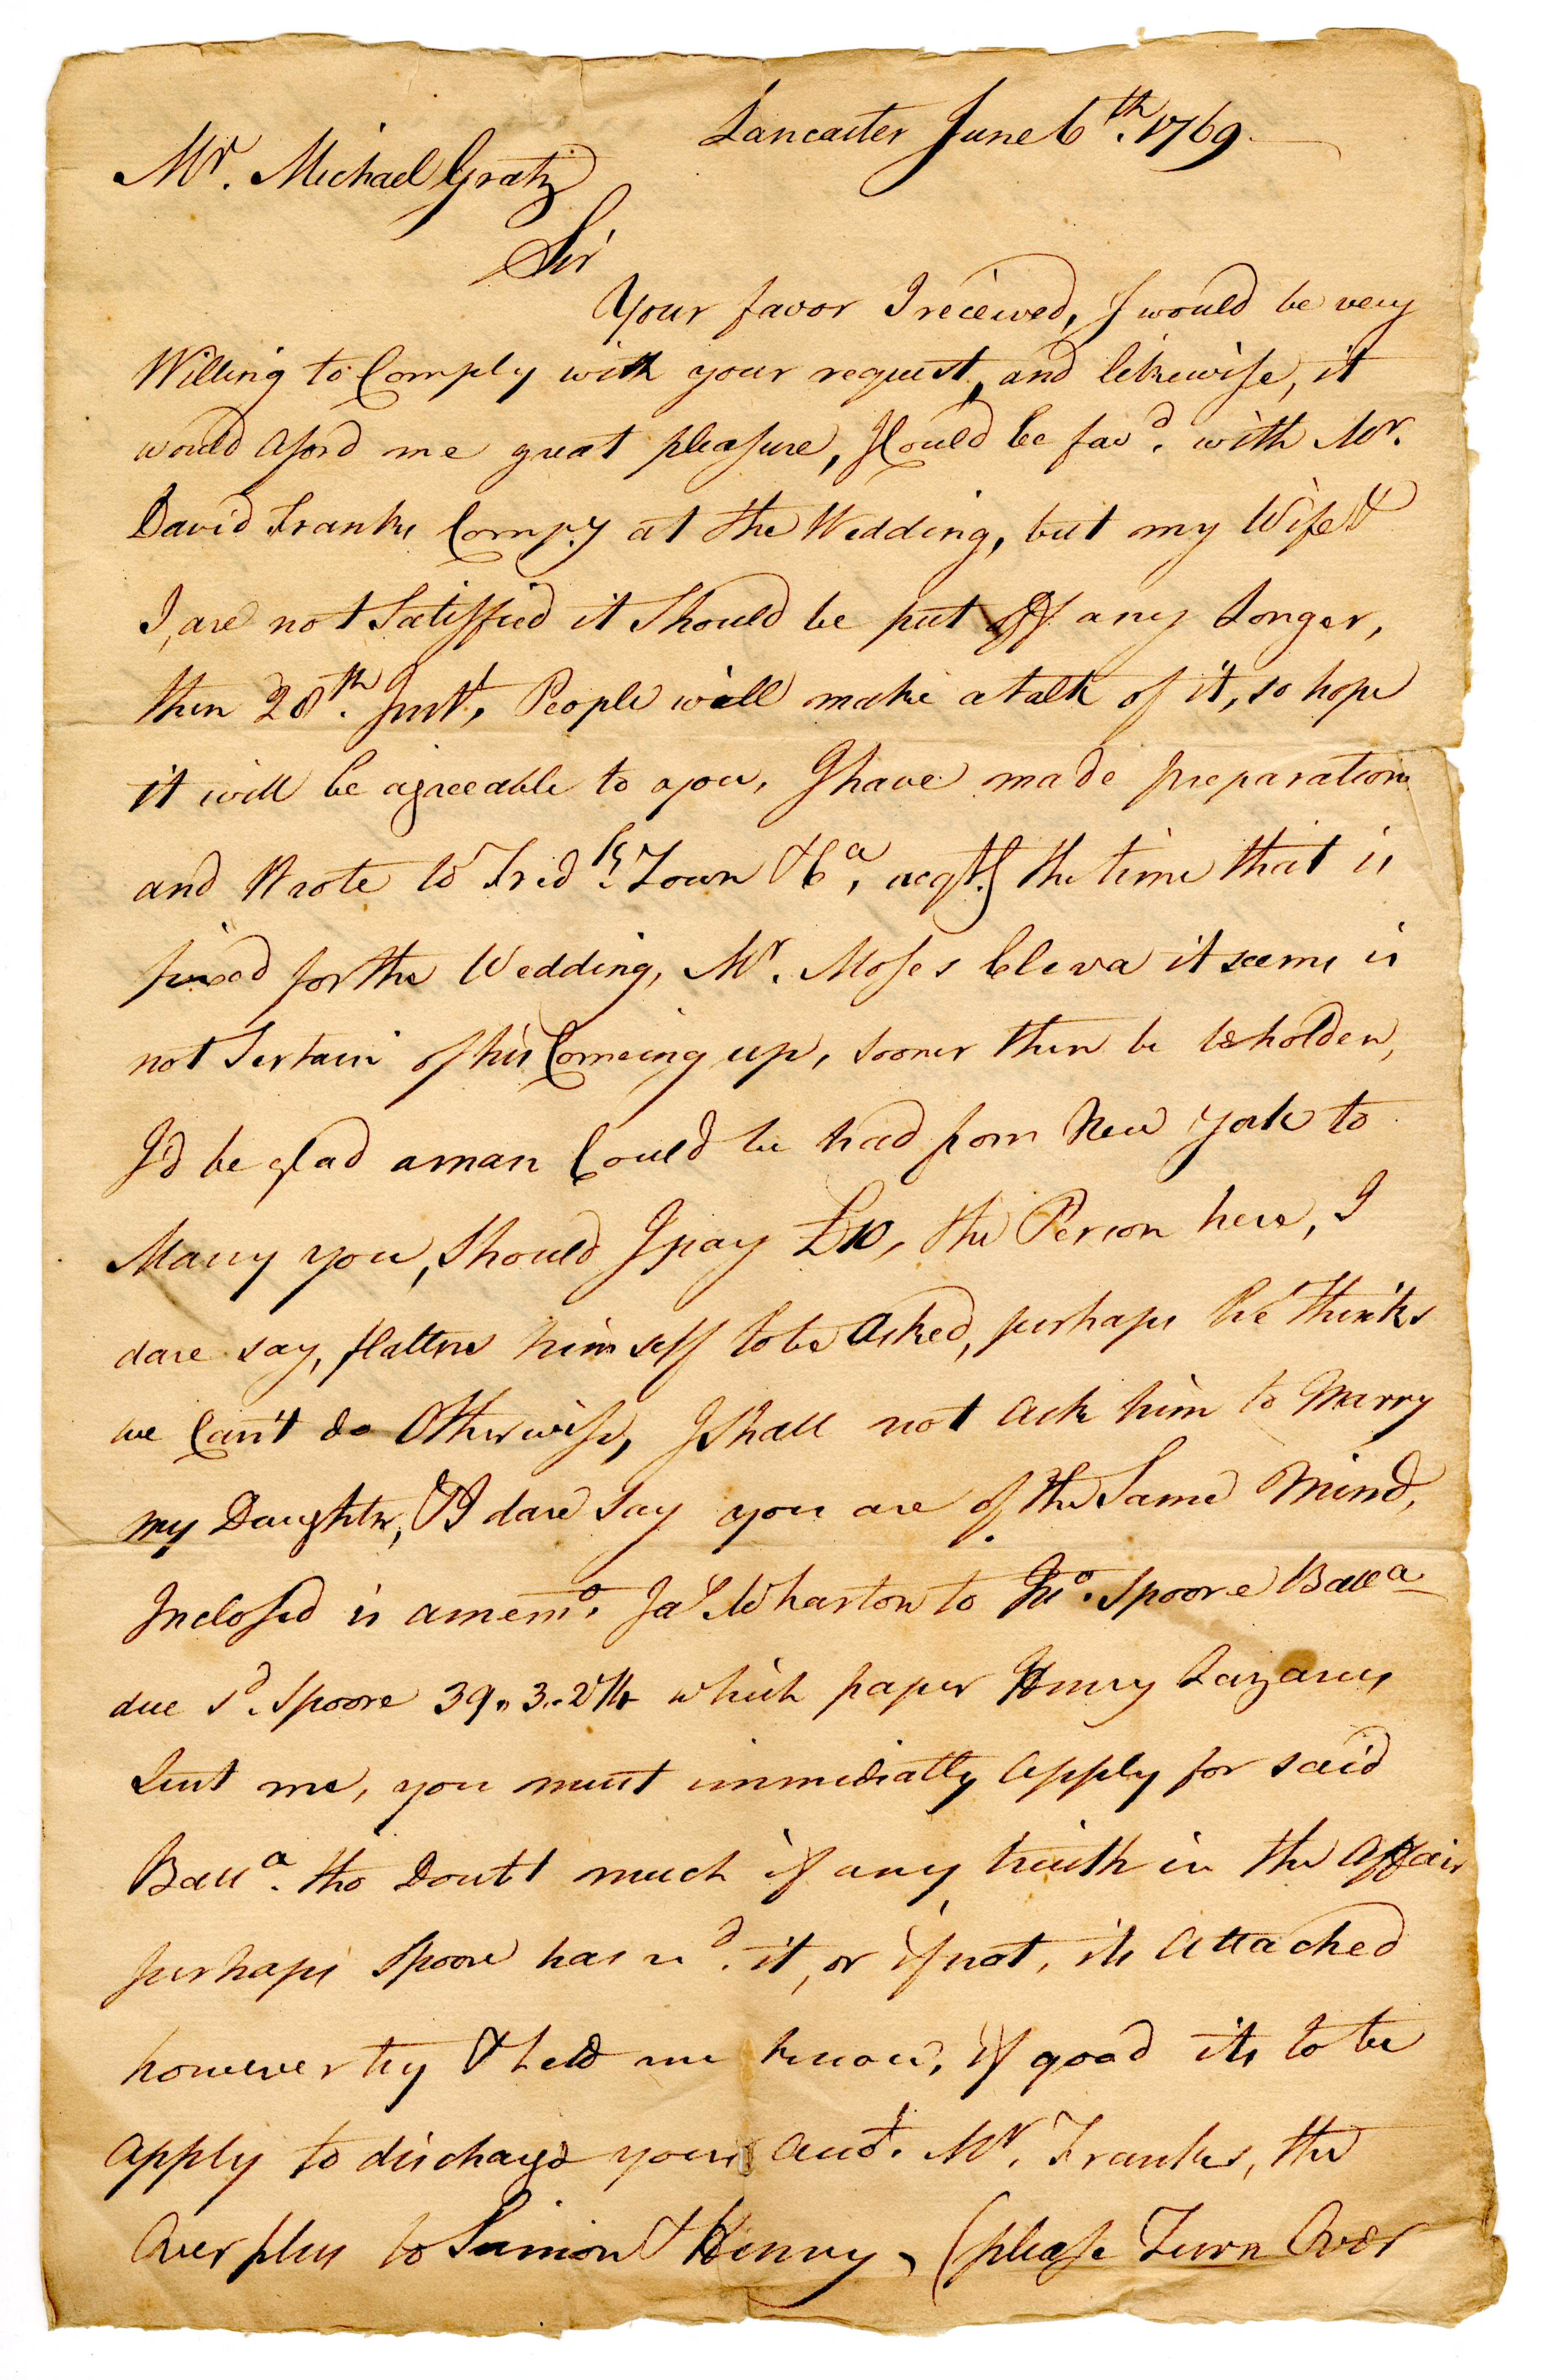Lancaster June 6^th 1769
M^r. Michael Gratz
Sir
Your favor I received, I would be very
Willing to Comply with your request, and likewise, it
would aford me great pleasure, I could be fav^d. with M^r
David Franks Comp^y. at the Wedding, but my Wife &
I are not Satisfied it Should be put off any Longer,
then 28^th. Inst^t, People will make a talk of it, to hope
it will be agreeable to you, I have made preparation
and Wrote to Fred^k Town &C^a, req^tg. the time that is
fixed for the Wedding, M^r. Moses Cleva it seems is
not sertain of his Comeing up, sooner then be beholden,
I'd be glad a man Could be had from New York to
Marry you, should I pay £10, the person here, I
dare say, flatters himself to be Asked, perhaps he thinks
we Can't do Otherwise, I shall not Ask him to marry
my Daughter, & I dare Say you are of the Same Mind,
Inclosed is amem^o. Jo^s. Wharton to M^r. Spoore Ball^ce
due s^d. Spoore 39..3..27s. which paper Henry Lazarus
Lent me, you must immediately apply for said
Ball^ce. tho Doubt much if any faith in the Affair
perhaps Spoore has re^d. it, or if not, its Attached
however try & Letd me know, if good its to be
apply to dischargd your acco^t. M^r. Frank, the
over plus to Simon & Kenny- (please turn Over